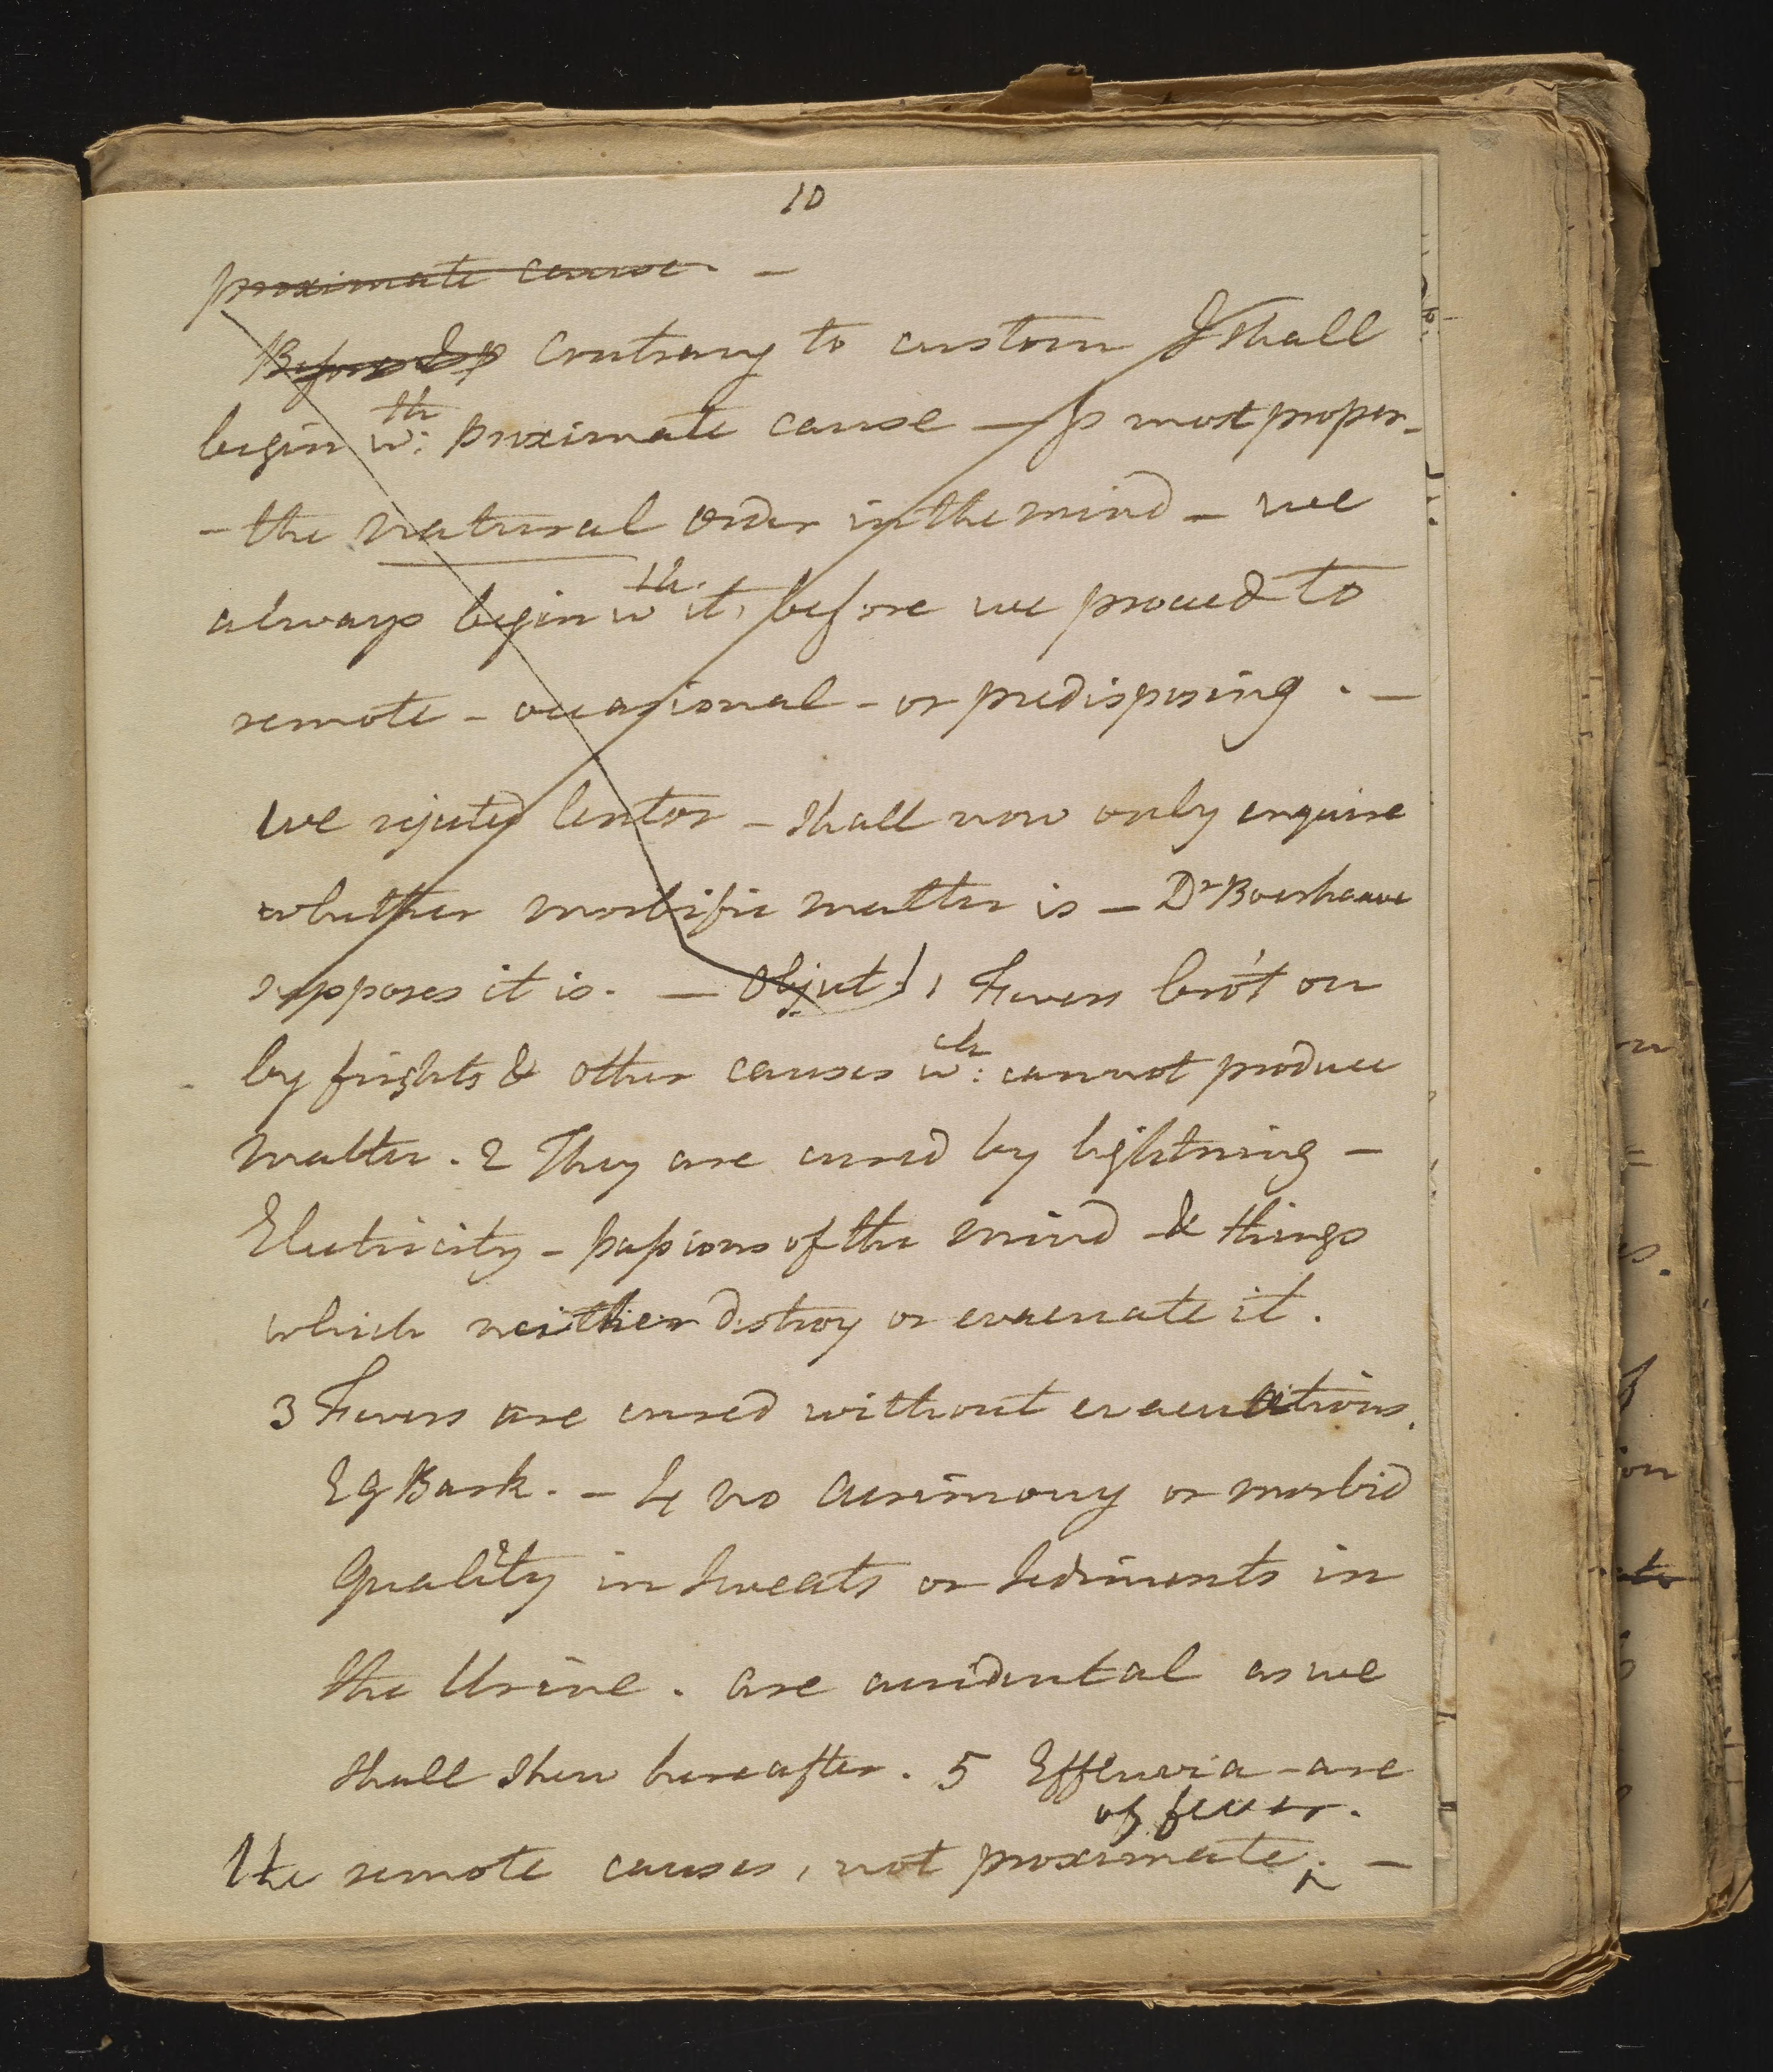10
proximate cause
[Before I p] Contrary to custom I shall
begin w^th proximate cause- as most proper
-the natural order in the mind- we
always begin w^th it, by one we proceed to
remote, occasional, or predisposing.
We rejected lentor, shall now only inquire
whether morbific matter is- D^r Boerhaave
supposes it is. Object 1 Fever bro't on
by frights & other causes w^ch: cannot produce
matter. 2 They are cured by lightning,
Electricity- passions of the mind- & things
which neither destroy or evacuate it.
3 Fevers are cured without evacuations.
E.g Bark.- 4 No acrimony or morbid
gravity in sweats or scerinents in
the Urine are accidental as we
shall show hereafter. 5 Effluvia are
of fever
the remote causes, not proximate,